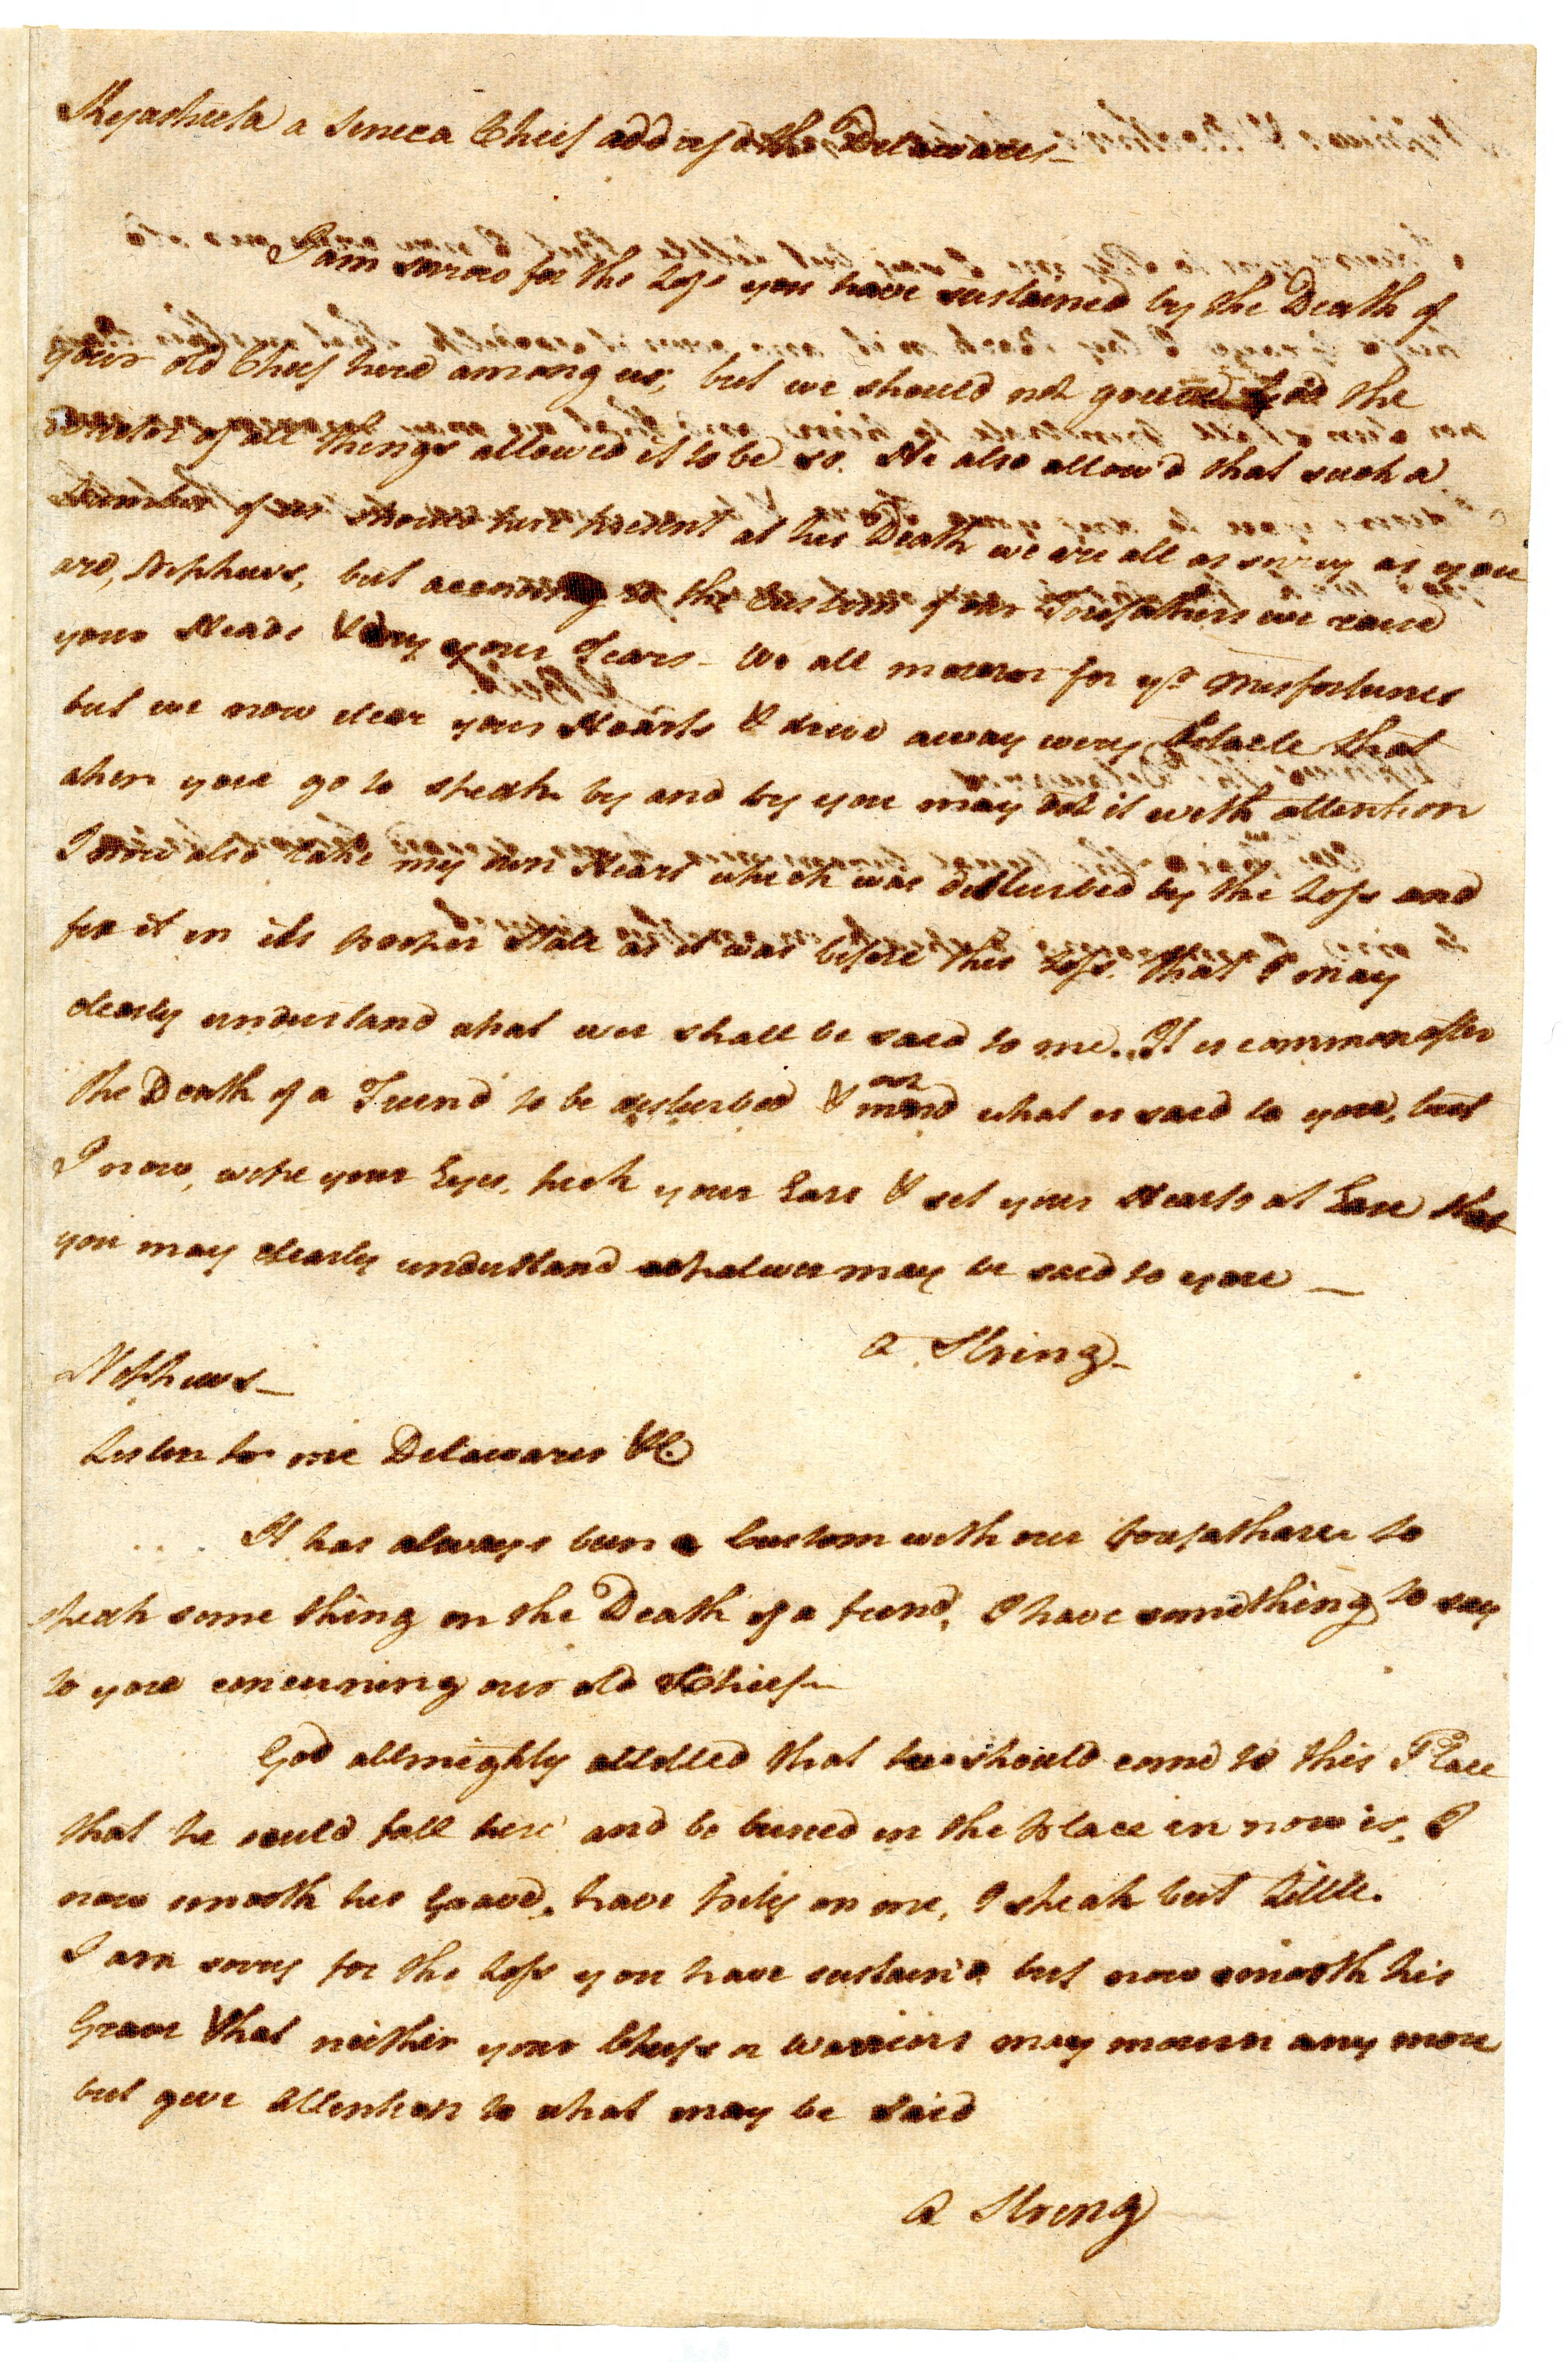Keyashuta a Seneca Chief address to the Delawares-
I am sorry for the loss you have sustained by the Death of
your old Chief here among us; but we should not grieve for the
creator of all things allowed it to be so. He also allow'd that such a
Number of us should here present at his Death we are all as sorry as you
are, Nephews, but according to the Custom of our Forefathers we raise
your Heads & dry your Tears. We all mourn for y^r. misfortunes
but we now clear your Hearts & drive away every obstacle that
when you go to speak by and by you may do it with attention
I now also take my own Heart which was disturbed by the Loss and
fix it in its proper state as it was before this Loss that I may
clearly understand what ever shall be said to me. It is common after
not
the Death of a Friend to be disturbed & ^ mind what is said to you, but
I now, wipe your Eyes, pick your Ears & set your Hearts at Ease that
you may clearly understand what ever may be said to you.
A String
Nephews
Listen to me Delawares &c
It has always been a Custom with our forefathers to
speak some thing on the Death of a friend, I have something to say
to you concerning our old Chief-
God allmighty allowed that we should come to this Place
that he could fall here and be buried on the Place in now is, &
now smooth his Grave, have pity on me, I speak but Little.
I am sorry for the loss you have sustain'd but now smooth his
Grave that neither your Chiefs or warriors may mourn any more
but give attention to what may be said.
A String